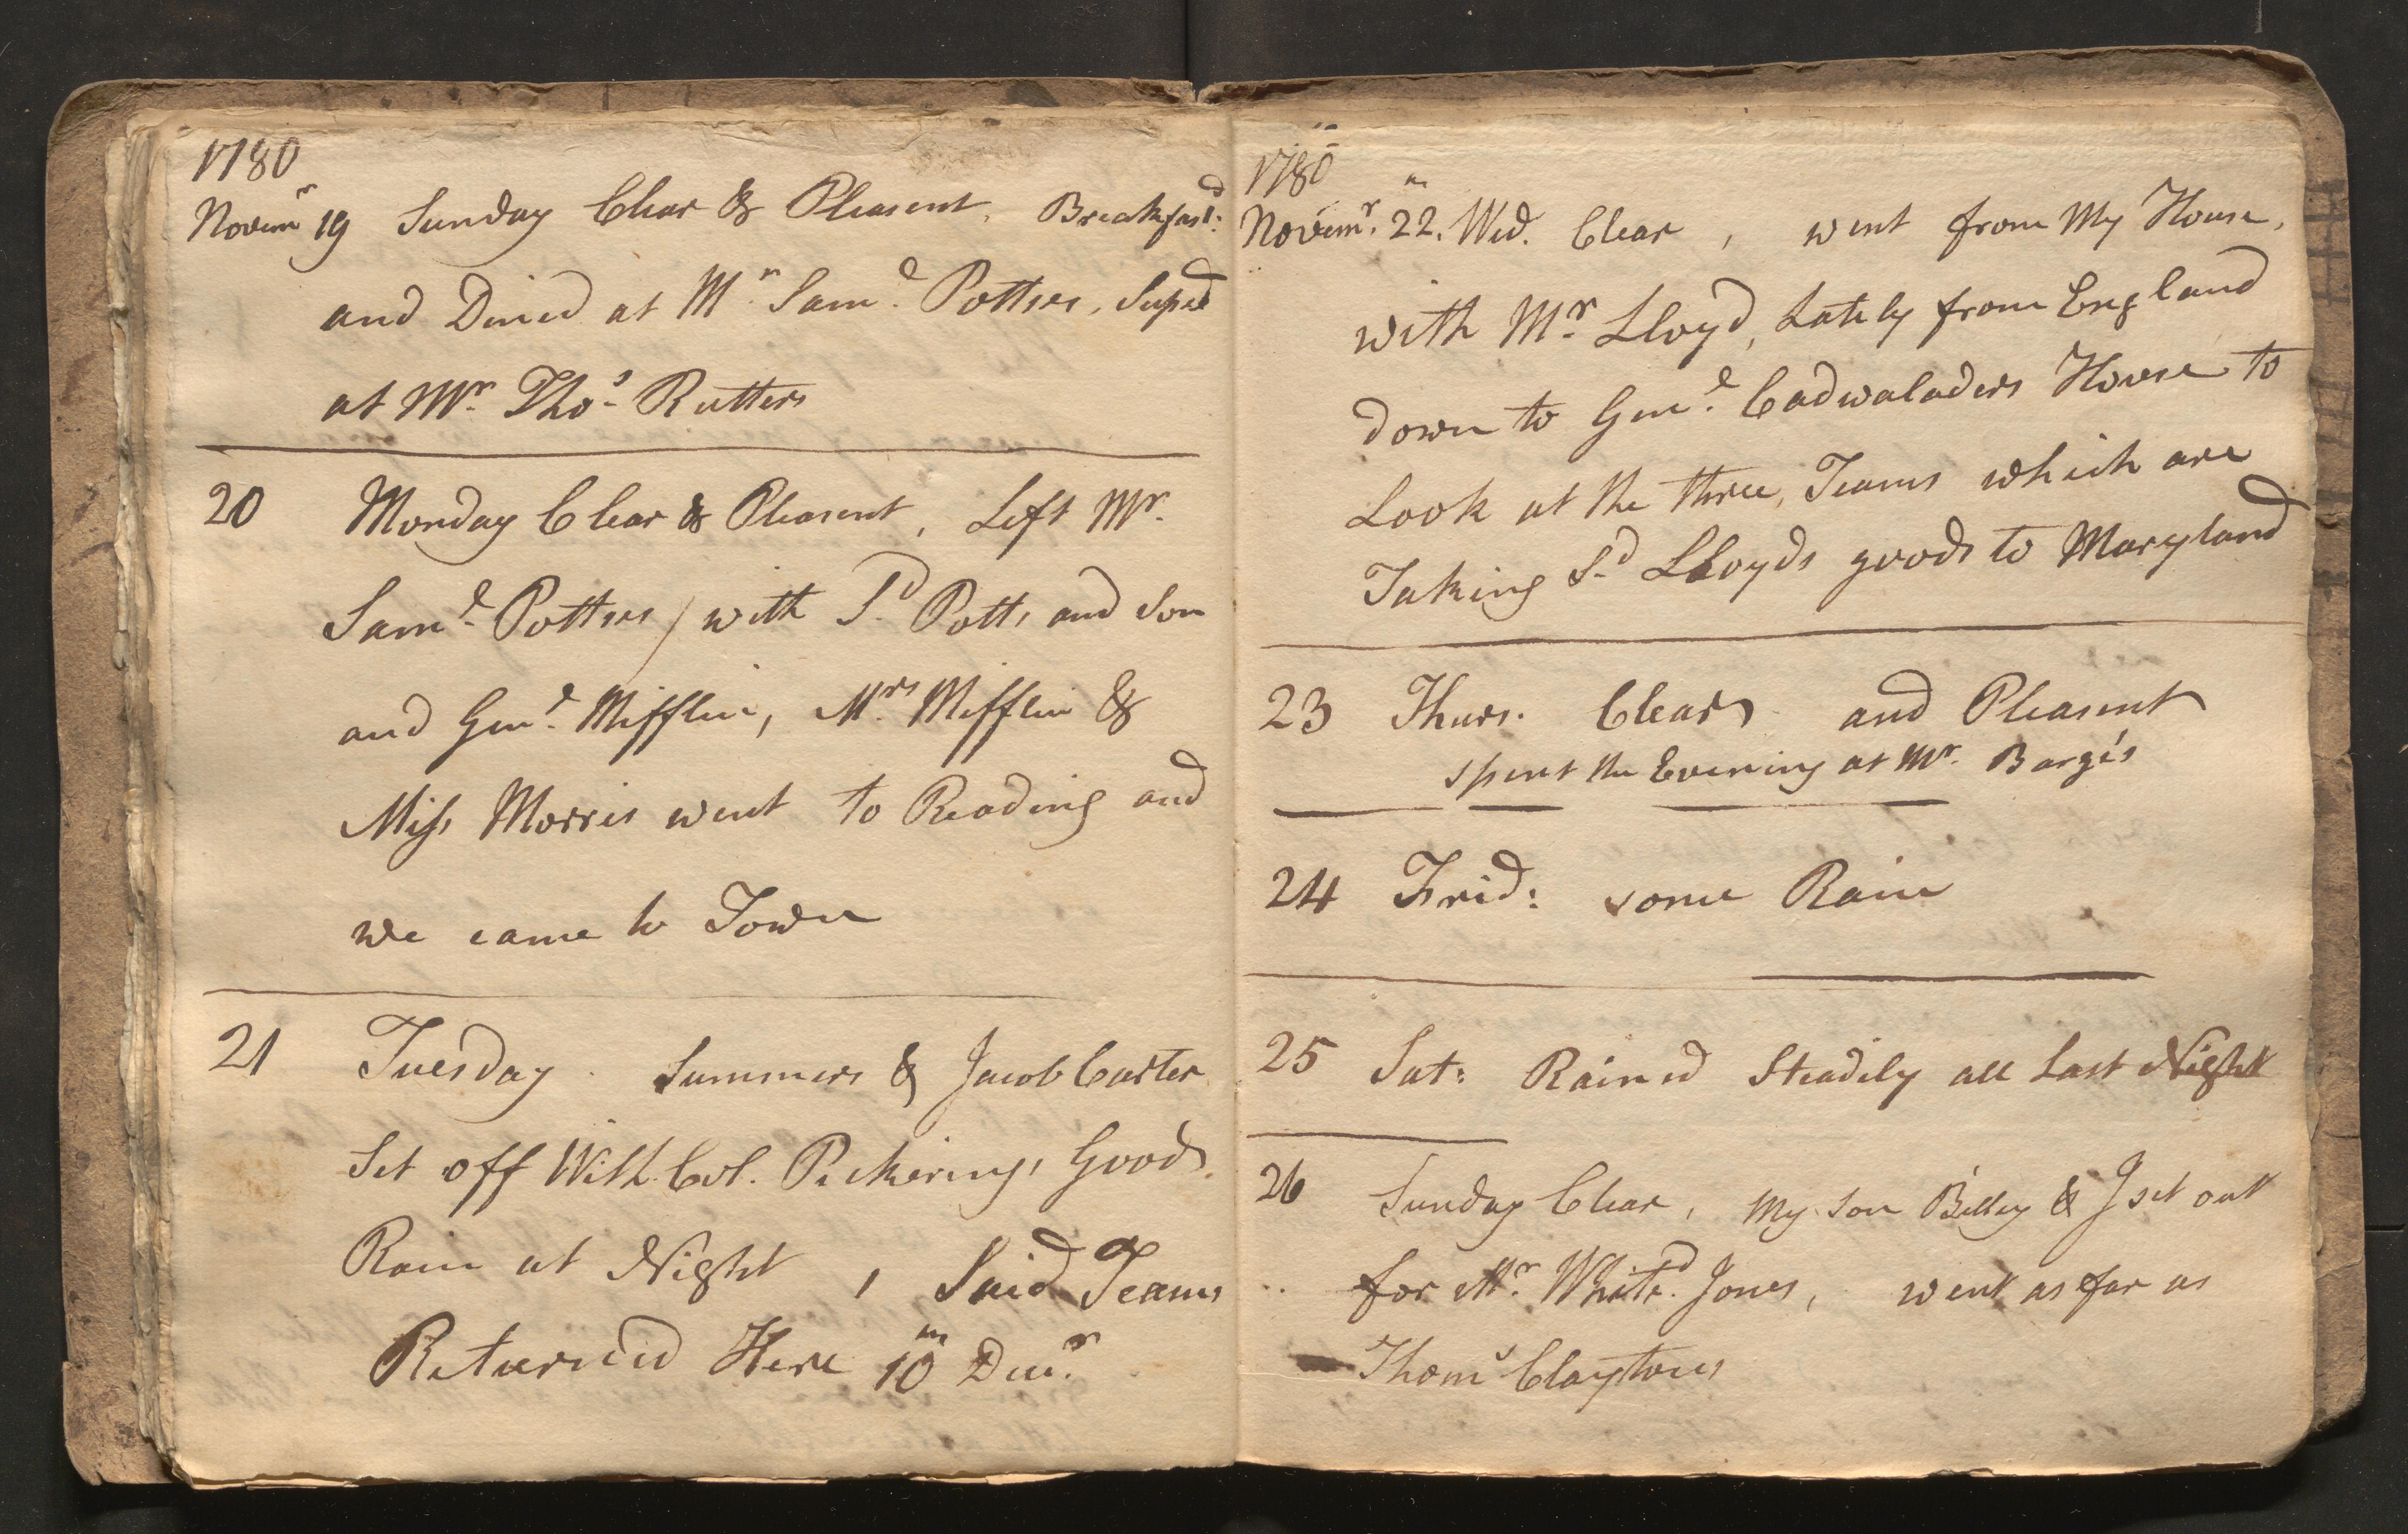1780
Novem^r 19 Sunday Clear & Pleasent. Breakfast^d:
and Dined at M^rs. Sam^l. Pottses, Suped
at M^r. Tho^s. Rutters
20
Monday Clear & Pleasent, Left M^r.
Sam^l. Pottses with S^d. Potts and Son
and Gen^l. Mifflin, M^rs. Mifflin &
Miss Morres went to Reading and
we came to Town
21 Tuesday. Summers & Jacob Carter
Set off With Col. Pickerings Goods
Rain at Night, Said Teams
Returiced Here 10^th Dece^r.
1780
Novem^r. 22^th. Wed. Clear, went from My House
with M^r. Lloyd Lately from England
down to Gen^l. Cadwaladers House to
Look at the three, Teams which are
Taking s^d. Lloyds goods to Maryland
23 Thurs. Clear and Pleasent
spent the Evening at M^r. Barge's
24 Frid: some Rain
25 Sat. Rained Steadily all Last Night
26 Sunday Clear, My Son Billey & I set out
for M^r. White^d. Jones, went as far as
Thom^s. Claytons